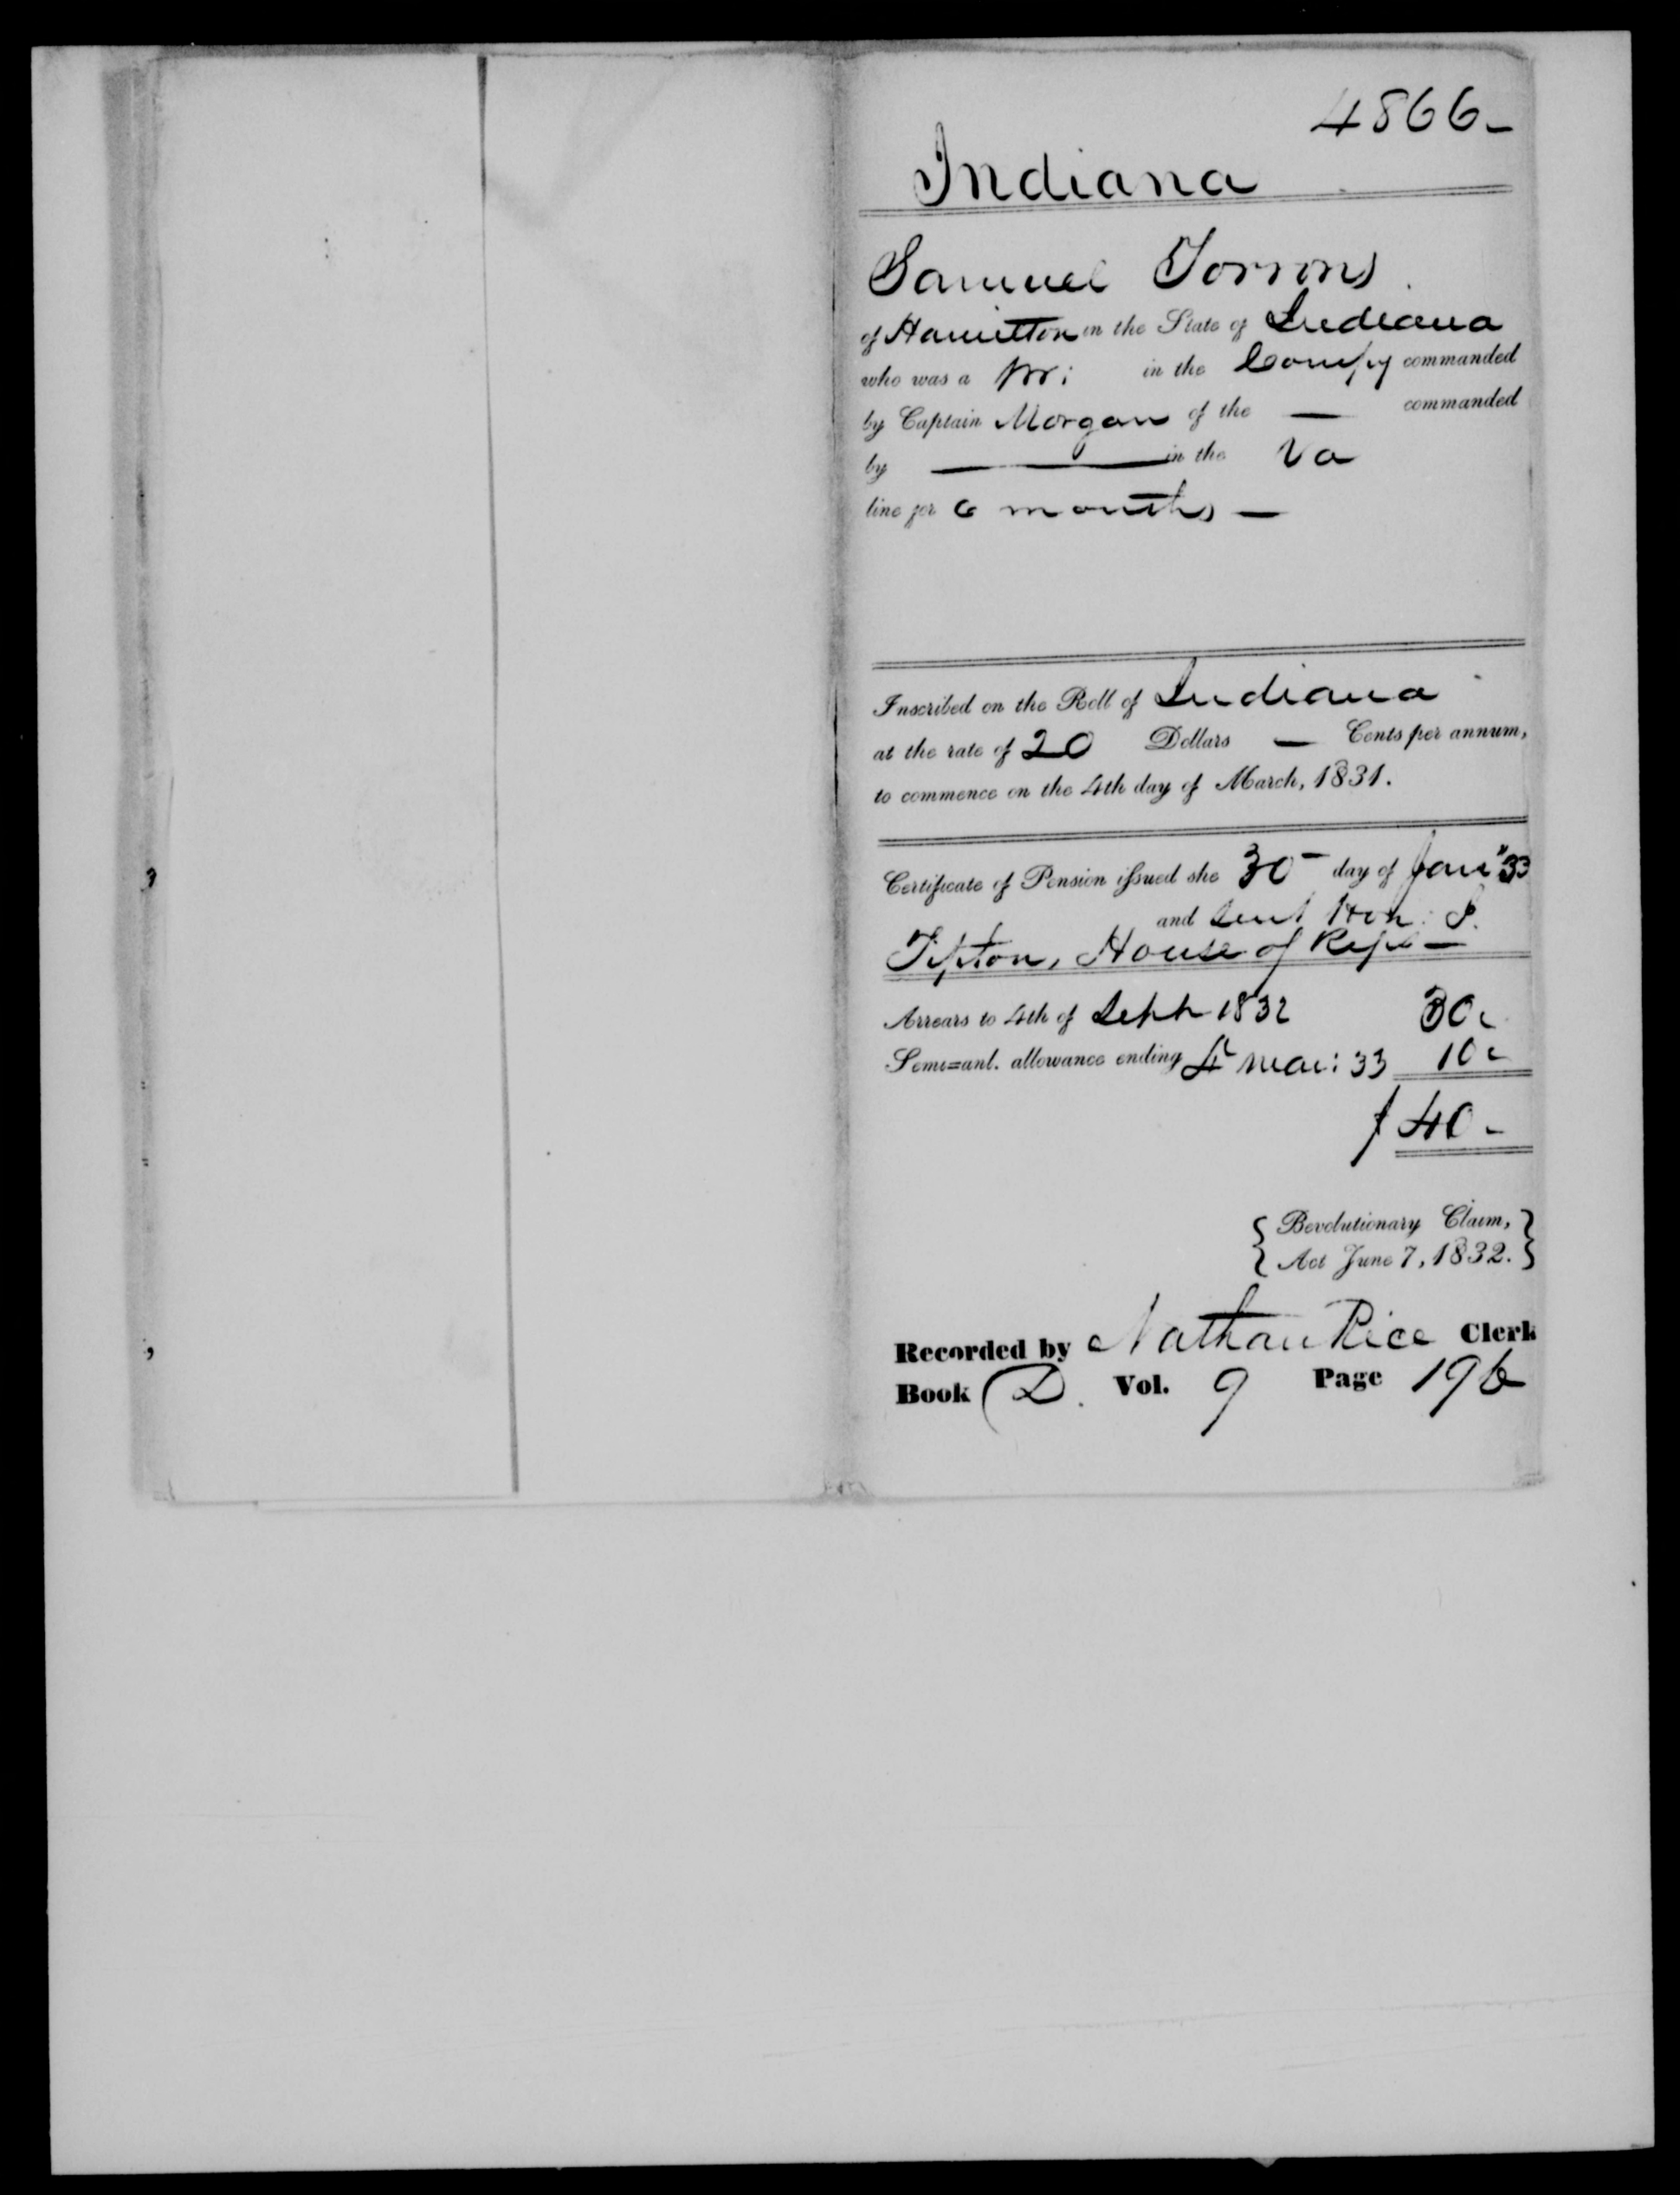4866-
Indiana
Samuel Torrons
of Hamilton in the State of Indiana
who was a pri: in the Compy commanded by Captain Morgan of the - commanded by - in the Va
line for 6 months-
Inscribed on the Roll of Indiana at the rate of 20 Dollars - Cents per annum, to commence on the 4th day of March, 1831.
Certificate of Pension issued the 30- day of June "33 
and sent Hon: J. Tipton, House of Reps-
Arrears to 4th of Sept 1832 30-
Semi=anl. allowance ending 4 Mar: 33 10-
$40-
Revolutionary Claim, Act June 7, 1832.
Recorded by Nathan Rice Clerk
Book D. Vol. 9 Page 196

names: Nathan Rice, Morgan, J Tipton, Samuel Torrons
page: 5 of 27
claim: widow's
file: W. 9860, Samuel Torrons, Va.